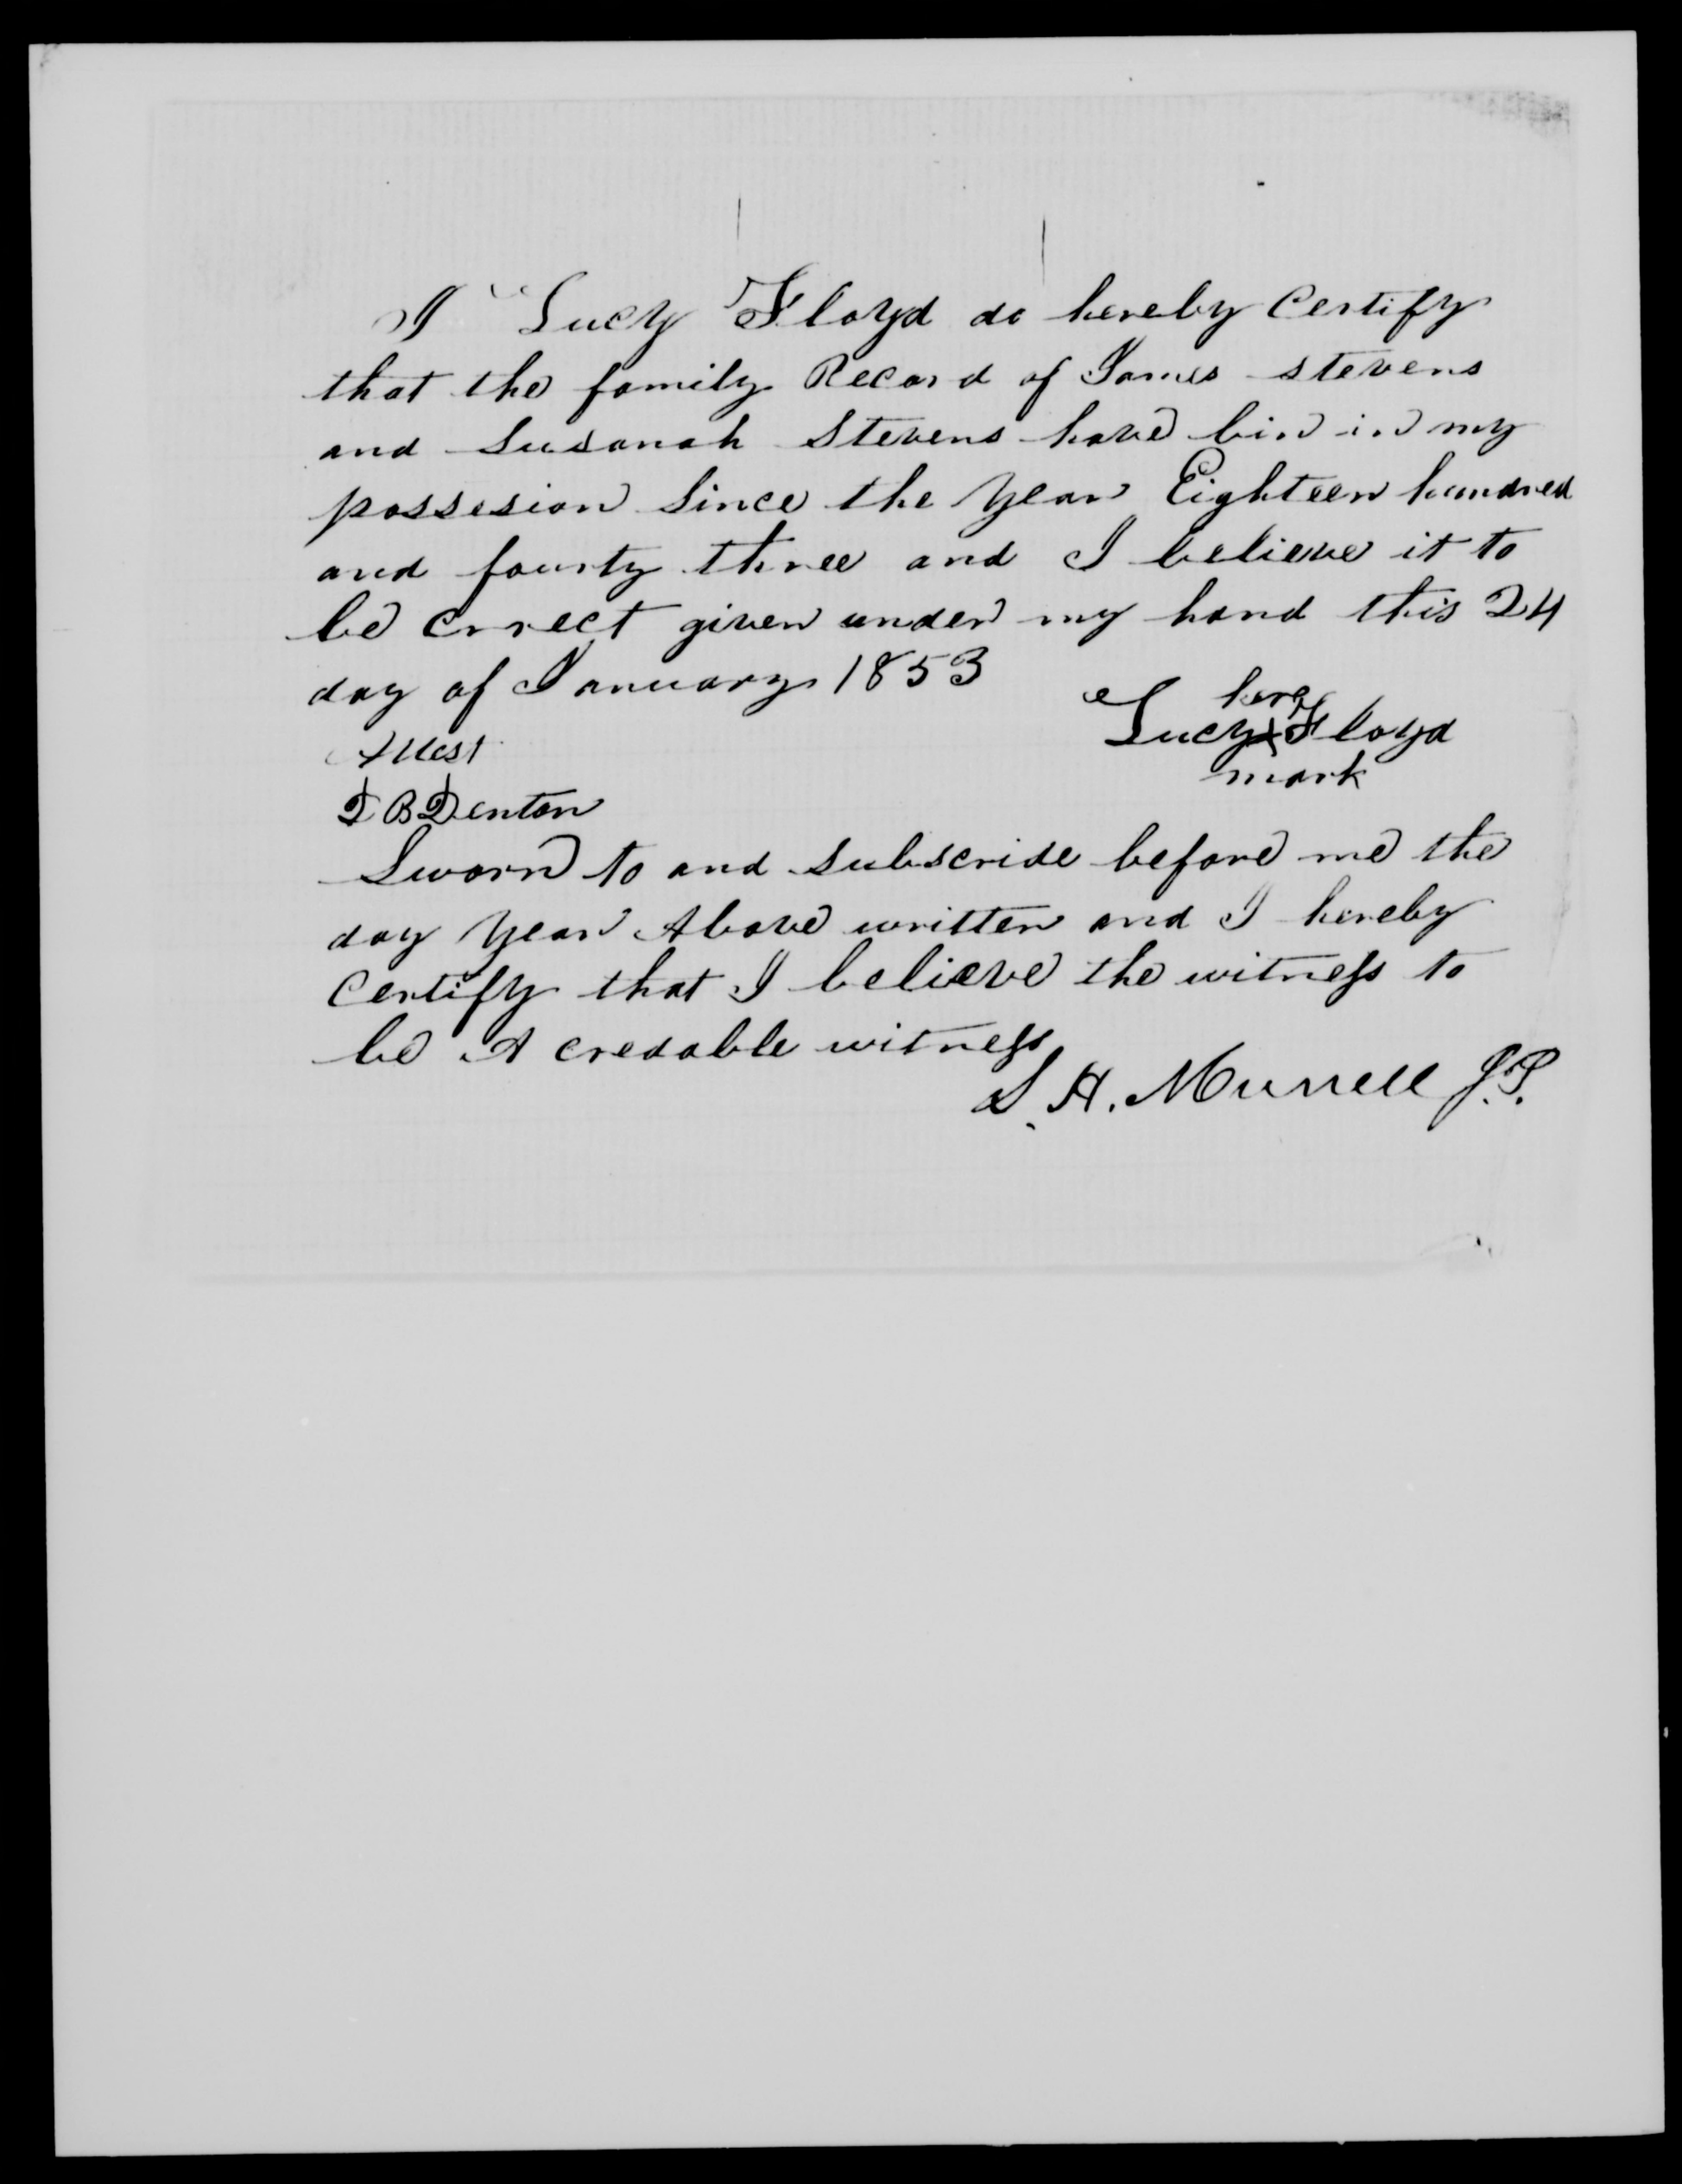I Lucy Floyd do hereby certify that the family Record of James Stevens and Susanah Stevens have been in my                  
possession since the year Eighteen hundred
and forty three and I believe it to
be correct given under my hand this 24
day of January 1853

Attest
F B Denton
Lucy Floyd
mark here
Sworn to and subscribe before me the
day year above written and I hereby
certify that I believe the witness to
be a credable witness
S.H.. Murrell J.P.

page: 61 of 99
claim: widow's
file: W 8766, for James Stevens, Virginia